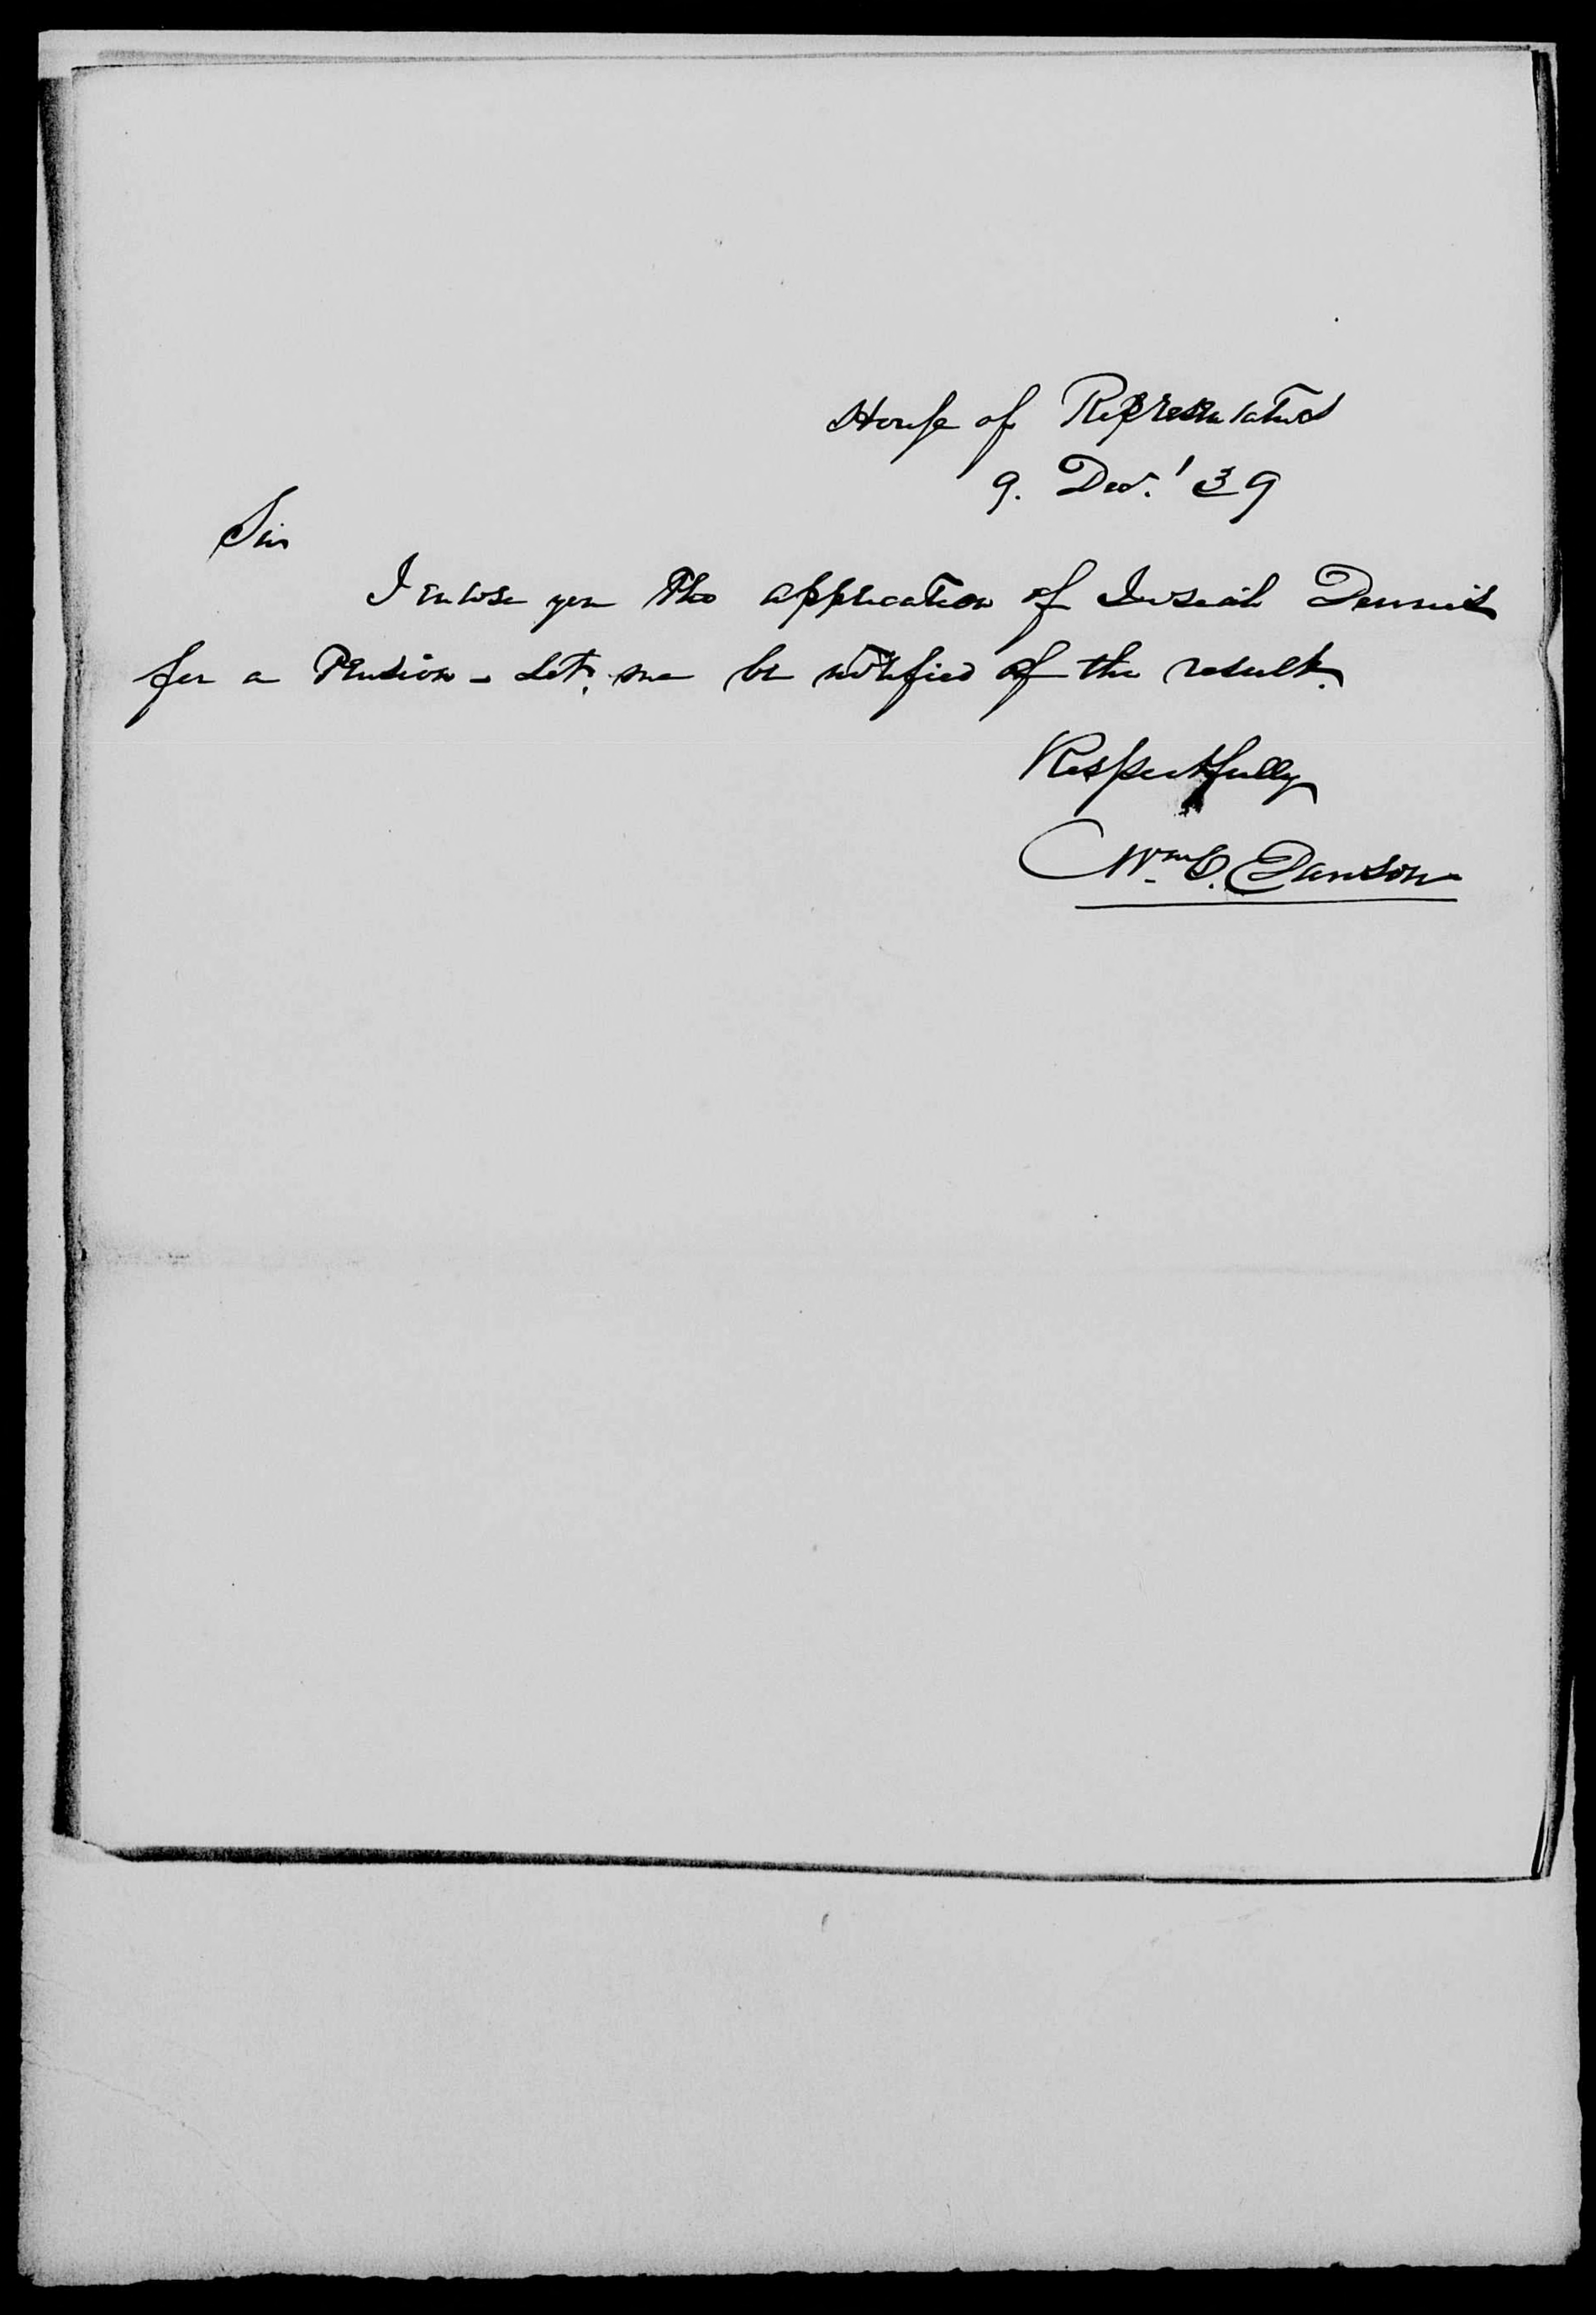House of Representatives
9 Dec '39
Sir

I enclose you the application of Josiah Dennis
for a Pension-- Let me be notified of the result
Respectfully
Wm C. Dawson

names: Josiah Dennis, Wm C Dawson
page: 11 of 14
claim: rejected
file: R. 2,877, Josiah Dennis, Md.